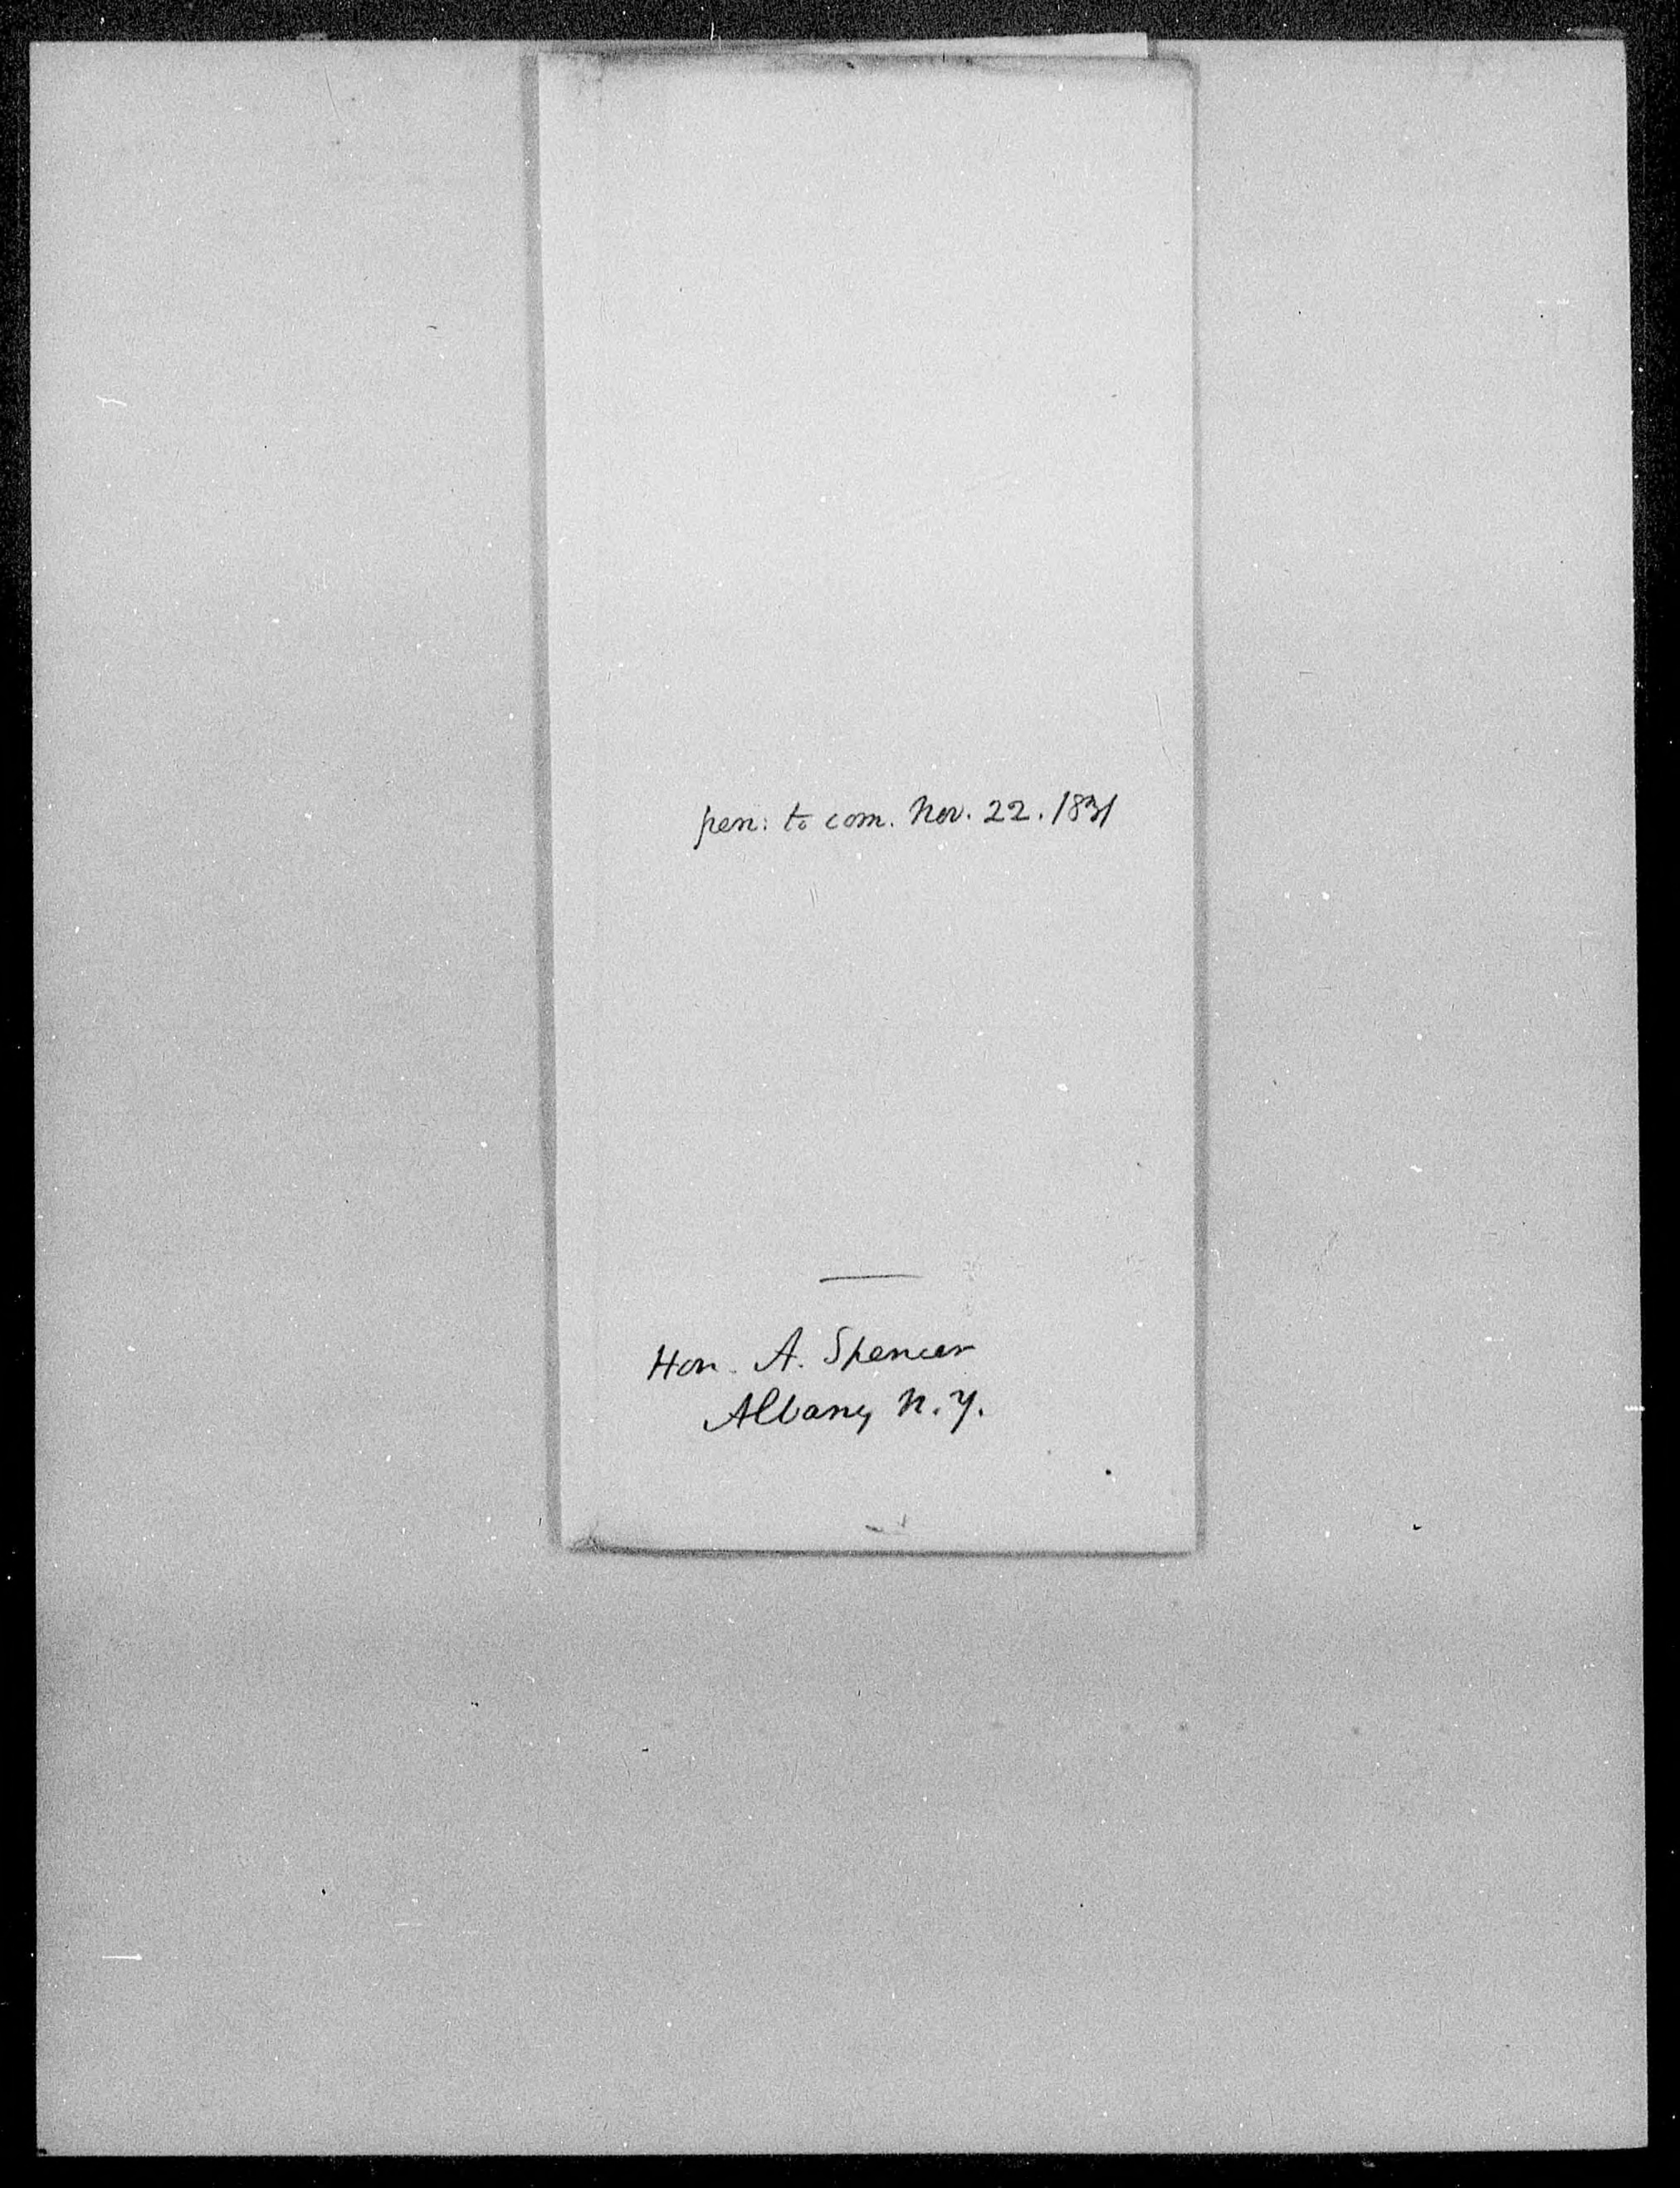pen: to com. Nov. 22 1831

Hon. A Spencer 
Albany, N.Y.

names: A Spencer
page: 16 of 40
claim: widow's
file: W. 21876, for Christian Osterman, New York